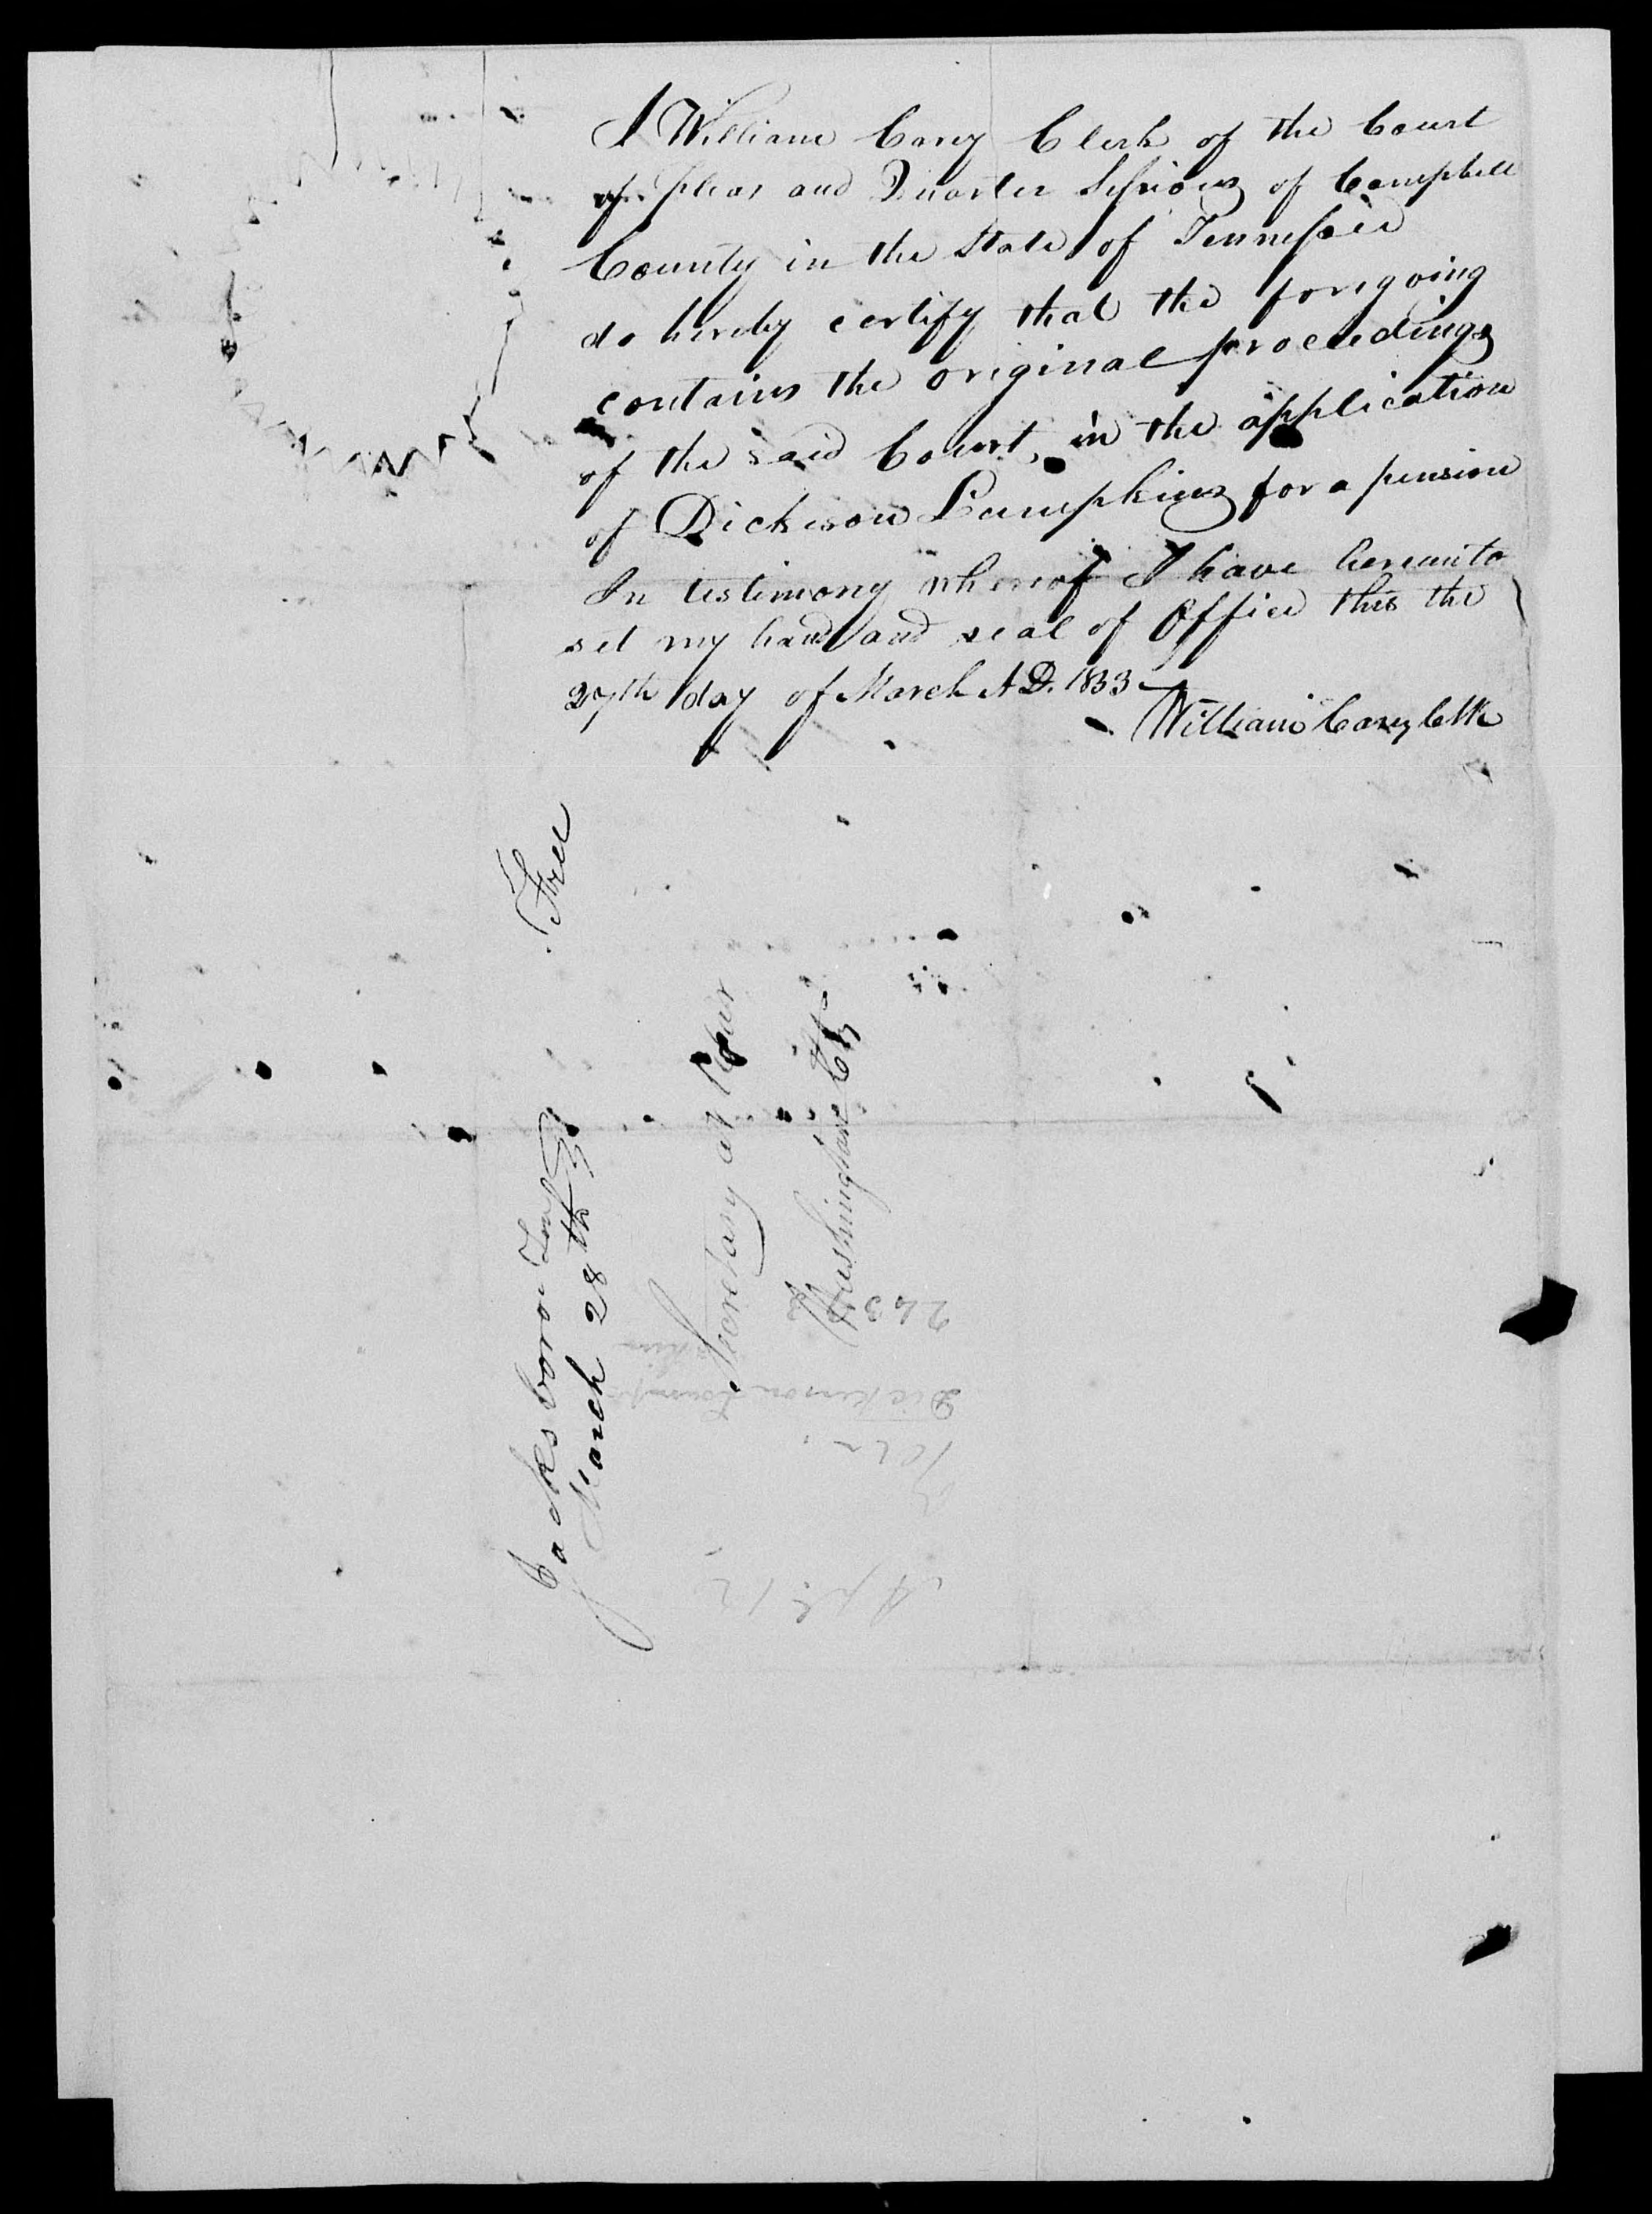(Handwritten document)

(Image of a possible seal to the left side of the document)

I William Carey Clerk of the Court of pleas and Quarter Sessions of Campbell County in the State of Tennessee do hereby certify that the
foregoing contains the original proceedings 
of the said Court in the application of Dickseon Lumpkins for a pension In testimony whereof I have hereunto set my hand and seal this the 27th day of March A.D. 1833 

William Carey Clk

(Vertical text on document: Jacksboro Tenn March 28th  Secretary of Washington)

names: Dickison Lumpkins; William Carey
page: 7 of 37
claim: rejected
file: R. 6521, for Dickeson Lumpkin, Pennsylvania